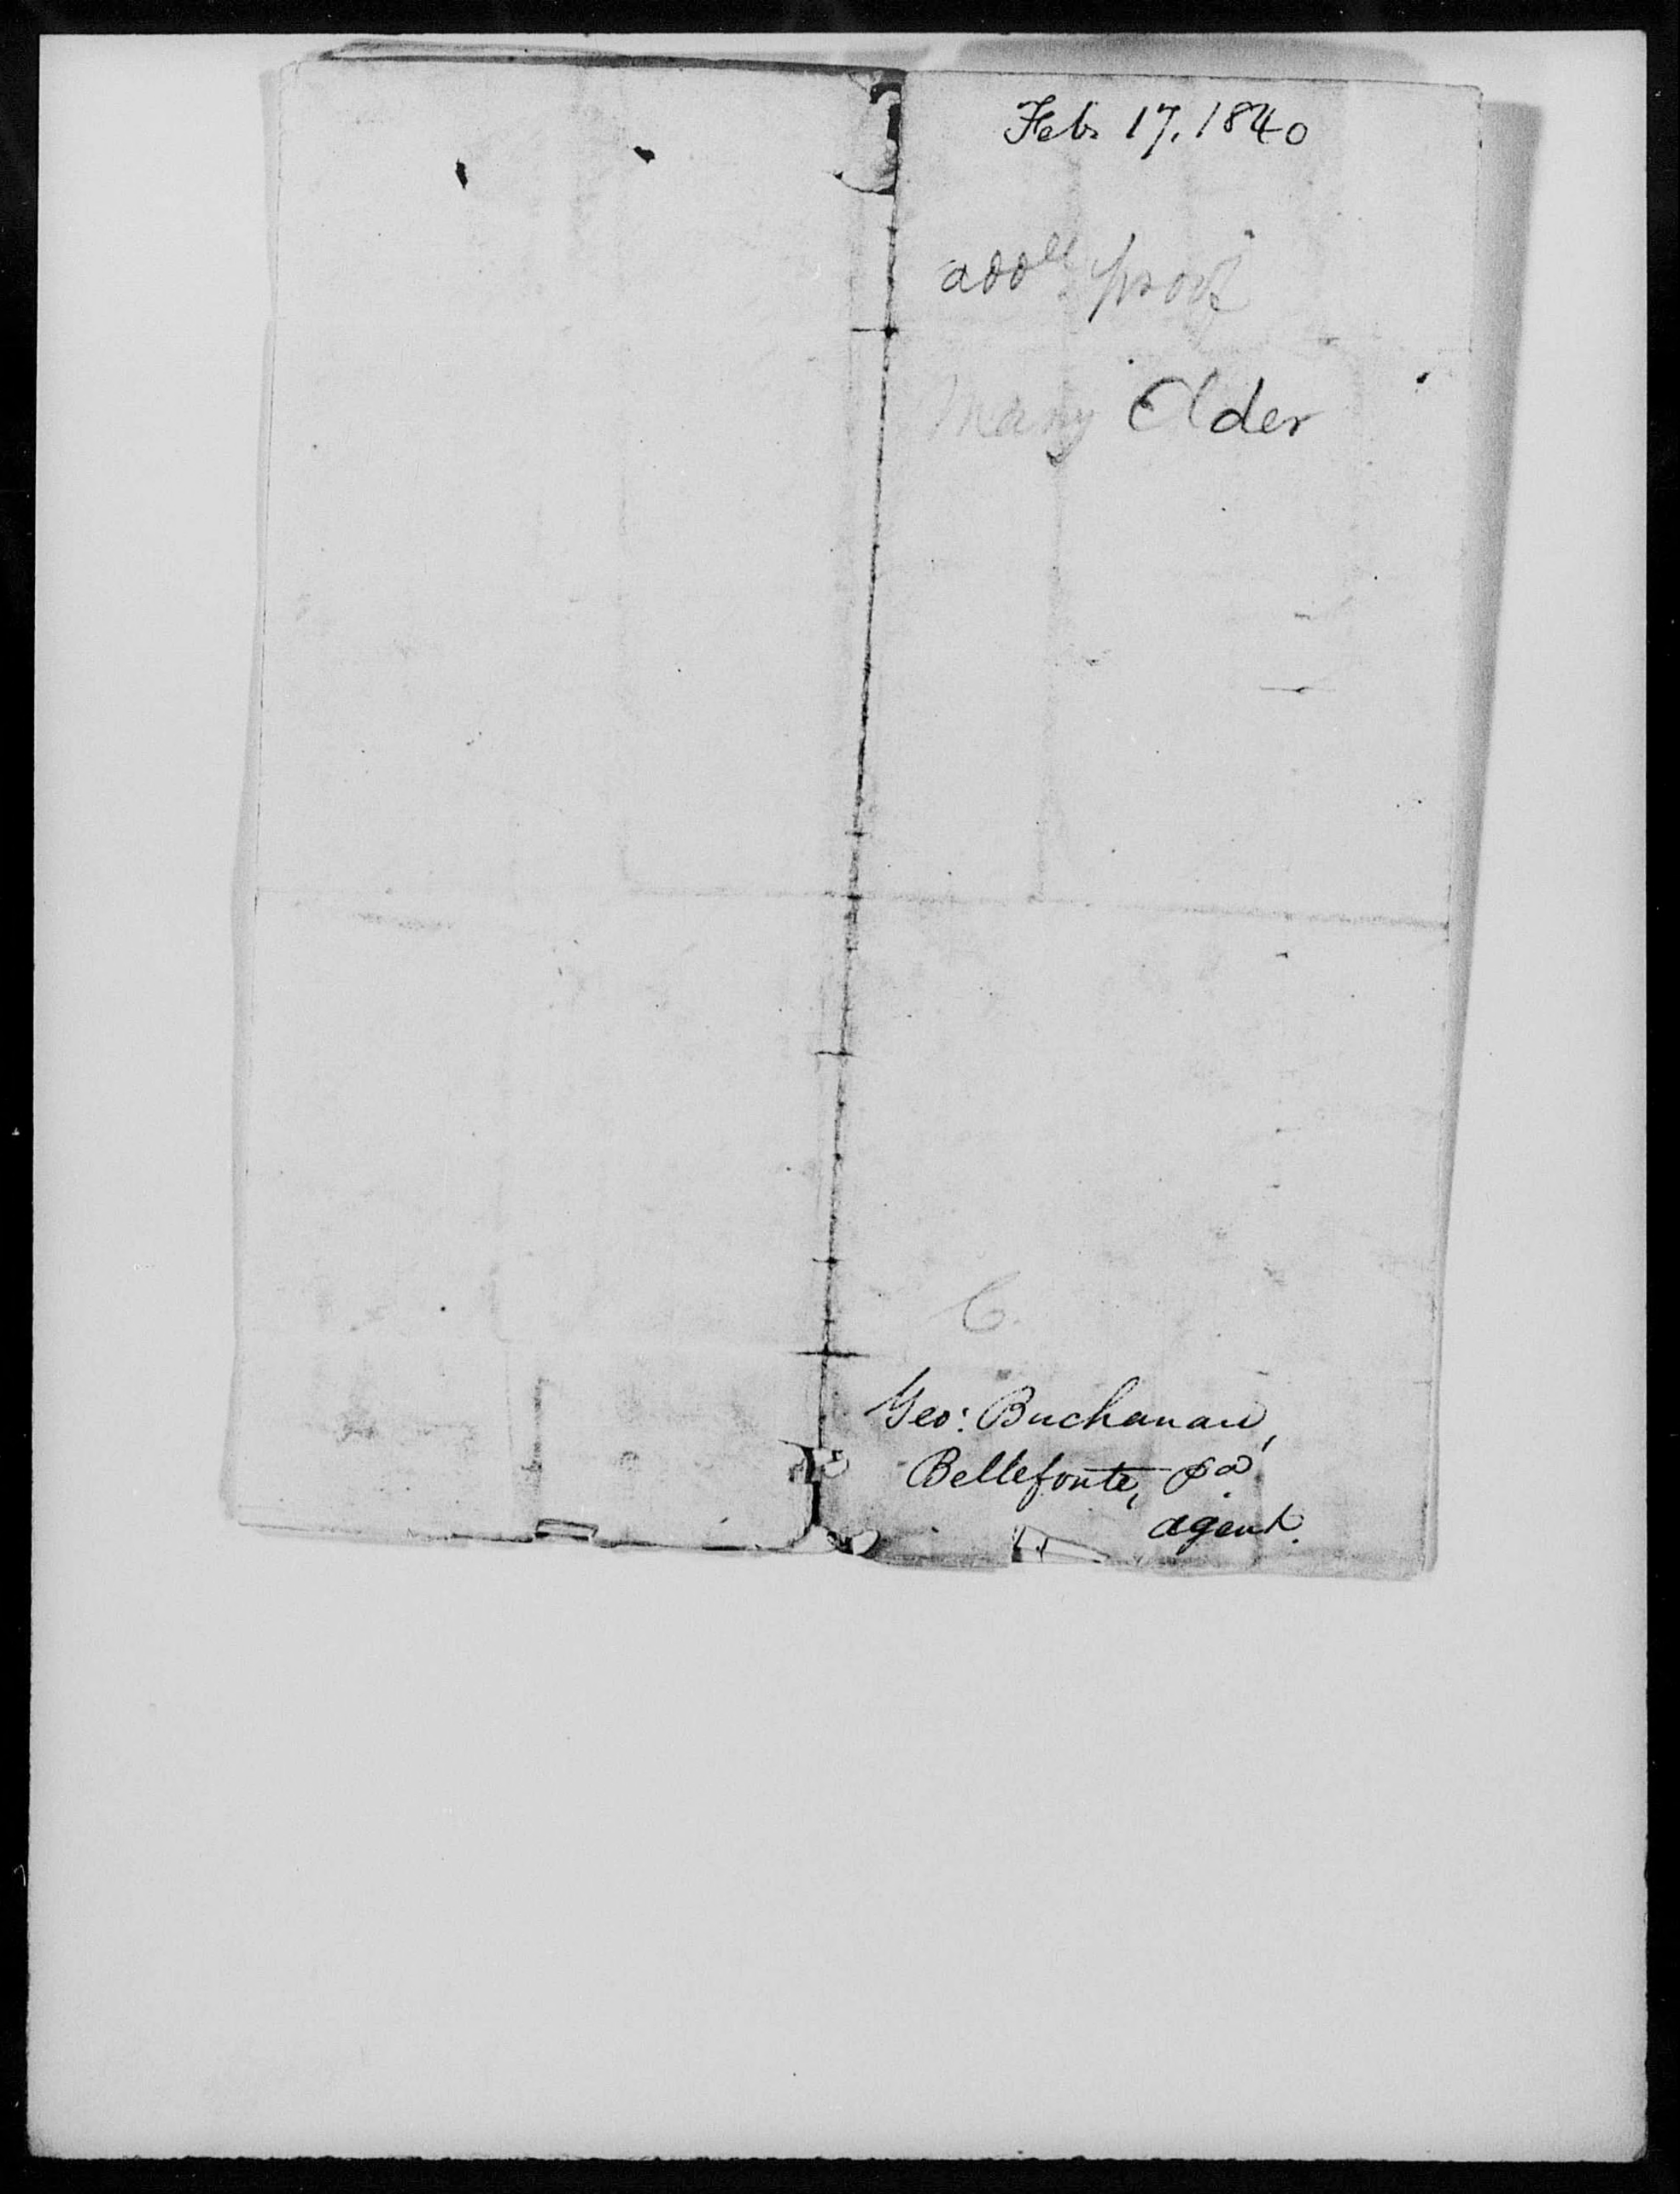Feb 17. 1840
[illegible]
Mary Elder

Geo. Buchanan,
Bellefonte, Pa
[illegible]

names: Geo Buchanan, Mary Elder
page: 76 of 80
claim: widow's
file: W. 24117, John Elder, Penn.